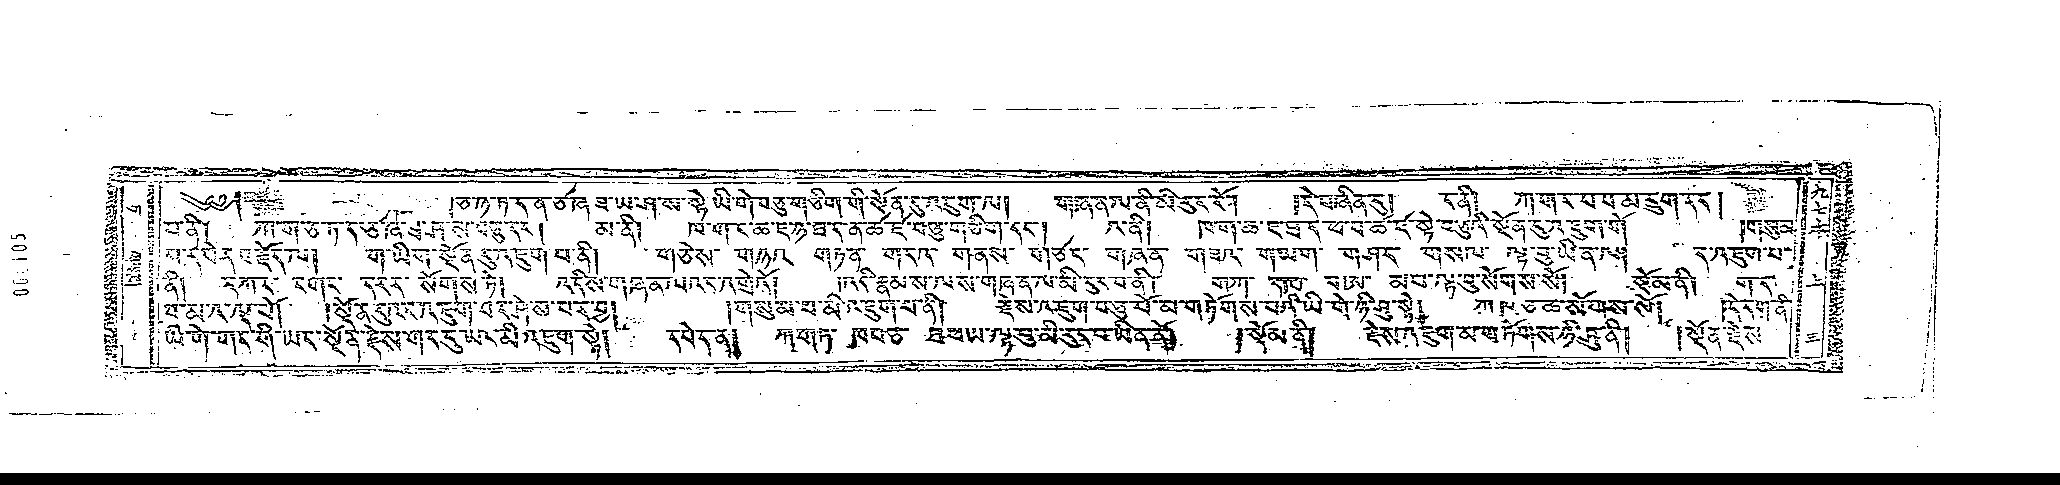༄༅། །ཅ་ཉ་ཏ་ང་ན་ཙ་ཞ་ཟ་ཡ་ཤ་ས་སྟེ་ཡི་གེ་བཅུ་གཅིག་གི་སྔོན་དུ་འཇུག་ལ། གཞན་ལ་ནི་མི་རུང་ངོ། །དེ་བཞིན་དུ། ང་ནི། ཀ་ག་ང་པ་བ་མ་དྲུག་དང་།
བ་ནི། ཀ་ག་ཅ་ཏ་ང་ཙ་ཞ་ཟ་ཤ་ས་བཅུ་དང་། མ་ནི། ཁ་ག་ང་ཆ་ཇ་ཉ་ཐ་ད་ན་ཚ་ཛ་བཅུ་གཅིག་དང་། འ་ནི། ཁ་ག་ཆ་ཇ་ཐ་ད་ཕ་བ་ཚ་ཛ་སྟེ་བཅུའི་སྔོན་དུ་འཇུག་གོ །གསུམ་
བ་དཔེར་བརྗོད་ལ། ག་ཡིག་སྔོན་དུ་འཇུག་པ་ནི། གཅེས་གཉའ་གཏན་གདའ་གནས་གཙང་གཞན་གཟའ་གཡག་གཤད་གསལ་ལྟ་བུ་ཡིན་ལ། ད་འཇུག་བ་
ནི། དཀར་དགང་ང་དར་སོགས་ཏེ། འདིས་གཞན་ལའང་འགྲོའོ། །འདི་རྣམས་ལས་གཞན་ལ་མི་རུང་བ་ནི། ག་ཀ་ད་ཁ་བ་ཨ་མ་བ་ལྟ་བུ་སོགས་སོ། །སྡོམ་ནི། ག་ད་
བ་མ་འ་ལྔ་པོ། །སྔོན་དུ་འང་འཇུག་བར་ཤེས་པར་བྱ། །གསུམ་པ་མི་འཇུག་པ་ནི། རྗེས་འཇུག་བཅུ་པོ་མ་གཏོགས་པའི་ཡི་གེ་ཉི་ཤུ་སྟེ། ཀ་ཁ་ཅ་ཆ་སོགས་སོ། །དེ་དག་ནི་
ཡི་གེ་གང་གི་ཡང་སྔོན་རྗེས་གང་དུ་ཡང་མི་འཇུག་སྟེ། དཔེར་ན། ཀ་ག་ཏ། ཁ་བ་ཅ། ཐ་ཕ་ཡ་ལྟ་བུ་མི་རུང་བ་ཡིན་ནོ། །སྡོམ་ནི། རྗེས་འཇུག་མ་གཏོགས་ཉི་ཤུ་ནི། །སྔོན་རྗེས་